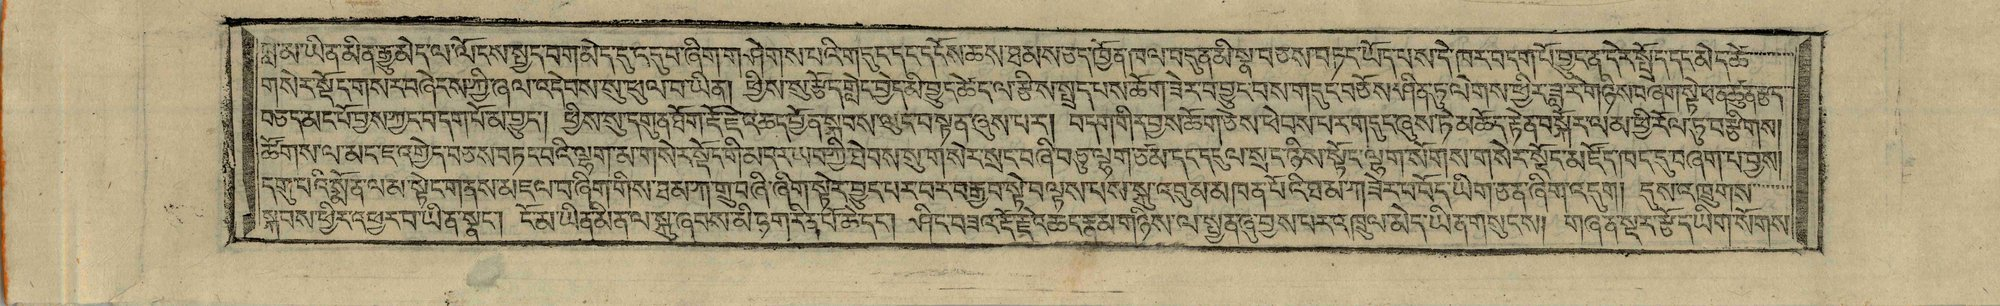བླ་མ་ཡིན་མིན་རྒྱུ་མེད་ལ་ལོངས་སྤྱད་བག་མེད་དུ་འདུ་བ་ཞིག་གཤེགས་པའི་གདུང་དང་དངོས་ཆས་ཐམས་ཅད་ཁྱོན་ཁལ་བདུན་མི་སྣ་བཅས་བཏང་ཡོད་པས་དེ་ཁར་བདག་པོ་བྱུང་ན་དེར་སྤྲོད་དང་མེད་ཚེ་
གསེར་སྡོང་གསར་བཞེངས་ཀྱི་ཞལ་འདེབས་སུ་ཕུལ་བ་ཡིན། ཕྱིས་སུ་རྩོད་གླེང་བྱེད་མི་བྱུང་ཚེ་ང་ལ་རྩིས་སྤྲད་པས་ཆོག་ཟེར་བ་བྱུང་བས་གདུང་བཅོས་ཤིན་ཏུ་ལེགས་ཕྱིར་ཟླ་རེ་གཉིས་བཞག་སྟེ་ཕན་ཚུན་རྩད་
བཅད་མང་པོ་བྱས་ཀྱང་བདག་པོ་མ་བྱུང་། ཕྱིས་སུ་དགུན་ཐོག་རྡོ་རྗེ་འཆང་བྱོན་སྐབས་ལུང་བསྟན་ཞུས་པར། བདག་གིར་བྱས་ཆོག་ཅེས་ཕེབས་པར་གདུང་ཞུས་ཏེ་མཆོད་རྟེན་བསྐོར་ལམ་ཕྱི་རོལ་ཏུ་བརྩིགས།
ཚོགས་ལ་མང་ཇ་འགྱེད་བཅས་བཏང་བའི་ལྷག་མ་གསེར་སྡོང་གི་མདའ་ཡབ་ཀྱི་ཐེབས་སུ་གསེར་སྲང་བཞི་བཅུ་ལྷག་ཙམ་དང་དངུལ་སྲང་ཉིས་སྟོང་ལྷག་སོགས་གསེར་སྡོང་མཛོད་ཁང་དུ་བཞག་པ་བྱས།
དགུ་པའི་སྨོན་ལམ་སྟེང་གནས་མཇལ་བ་ཞིག་གིས་ཐམ་ཀ་གྲུ་བཞི་ཞིག་སྟེར་བྱུང་པར་བར་བརྒྱབ་སྟེ་བལྟས་པས་སྐུ་འབུམ་མཁན་པོའི་ཐམ་ཀ་ཟེར་བ་བོད་ཡིག་ཅན་ཞིག་འདུག །དུས་འཁྲུགས་
སྐབས་ཕྱིར་འཕྱར་བ་ཡིན་སྣང་། ངོ་མ་ཡིན་མིན་ལ་སྐུ་ཞབས་མི་ཉག་རིན་པོ་ཆེ་དང་། ཤིང་བཟའ་རྡོ་རྗེ་འཆང་རྣམ་གཉིས་ལ་སྤྱན་ཞུ་བྱས་པར་འཁྲུལ་མེད་ཡིན་གསུངས། གཞན་སྔར་རྩོད་ཡིག་སོགས་